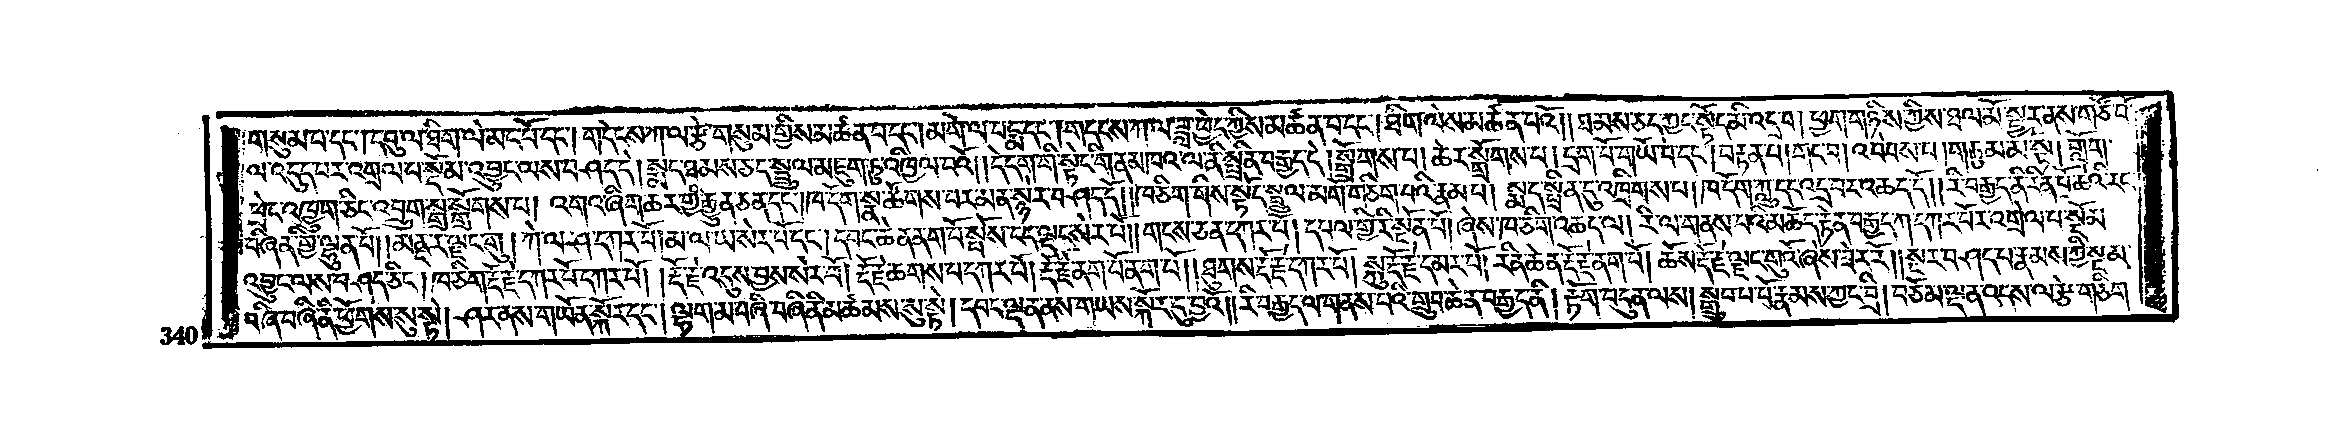གསུམ་པ་དང་། དབུ་ལ་ཐིག་ལེ་མང་པོ་དང་། གདེངས་ཀ་ལ་རྩེ་གསུམ་གྱིས་མཚན་པ་དང་། མགོ་ལ་པདམ་དང་། གདངས་ཀ་ལ་ཟླ་ཕྱེད་ཀྱིས་མཚན་པ་དང་། ཐིག་ལེས་མཚན་པའོ། །ཐམས་ཅད་ཀྱང་སྟོད་མི་འདྲ་བ། ཕྱག་གཉིས་ཀྱིས་ཐལ་མོ་སྦྱར་ནས་གཙོ་བོ་
ལ་འདུད་པར་འགྲལ་པ་སྡོམ་འབྱུང་ལས་བཤད་དེ། སྨད་ཐམས་ཅད་སྦྲུལ་མཇུག་ཏུ་འཁྱིལ་བའོ། །དེ་དག་གི་སྟེང་གི་ནམ་མཁའ་ལ་ནི་སྤྲིན་བརྒྱད་དེ། སྒྲོགས་པ། ཆེར་སྒྲོགས་པ། དྲག་པོ་གྱོ་བ་དང་། བརྟན་པ། གང་བ། འབེབས་པ། གཏུམ་མོ་སྟེ། གློག་
ཕྲེང་འཁྱུག་ཅིང་འབྲུག་སྒྲ་སྒྲོགས་པ། འགའ་ཞིག་ཆར་གྱི་རྒྱུན་ཅན་དང་། ཁ་དོག་སྣ་ཚོགས་པར་མན་སྙེར་བཤད་དོ། །ཁ་ཅིག་གིས་སྟོད་སྦྲུལ་མགོ་གཅིག་པའི་རྣམ་པ། སྨད་སྤྲིན་དུ་འཁྲིགས་པ། ཁ་དོག་ཀླུ་དང་འདྲ་བར་འཆད་དོ། །རི་བརྒྱད་ནི་རིན་པོ་ཆེའི་རང་
བཞིན་གྱི་ལྷུན་པོ། །མནྡ་ར་ལྗང་གུ །ཀེ་ལ་ཤ་དཀར་པོ། མ་ལ་ཡ་སེར་པོ་དང་། དབང་ཆེན་ནག་པོ་སྤོས་དང་ལྡང་སེར་པོ། །གངས་ཅན་དཀར་པོ། དཔལ་གྱི་རི་སྔོན་པོ། ཞེས་ཁ་ཅིག་འཆད་ལ། རི་ལ་གནས་པའི་མཆོད་རྟེན་བརྒྱད་ཀ་དཀར་པོར་འགྲེལ་པ་སྡོམ་
འབྱུང་ལས་བཤད་ཅིང་། ཁ་ཅིག་རྡོ་རྗེ་དཀར་པོ་དཀར་པོ། །རྡོ་རྗེ་འདུས་བྱས་སེར་པོ། རྡོ་རྗེ་ཆགས་པ་དཀར་པོ། རྡོ་རྗེ་ནག་པོ་ནག་པོ། །ཐུགས་རྡོ་རྗེ་དཀར་པོ། སྐུ་རྡོ་རྗེ་དམར་པོ། རིན་ཆེན་རྡོ་རྗེ་ནག་པོ། ཆོས་རྡོ་རྗེ་ལྗང་གུའོ་ཞེས་ཟེར་རོ། །སྔར་བཤད་པ་རྣམས་ཀྱི་སྔ་མ་
བཞི་བཞི་ནི་ཕྱོགས་སུ་སྟེ། ཤར་ནས་གྱོན་སྐོར་དང་། ལྷག་མ་བཞི་བཞི་ནི་མཚམས་སུ་སྟེ། དབང་ལྡན་ནས་གྱས་སྐོར་དུ་བྱའོ། །རི་བརྒྱད་ལ་གནས་པའི་གྲུབ་ཆེན་བརྒྱད་ནི། རྟོག་བདུན་ལས། སྒྲུབ་པ་པོ་རྣམས་ཀྱང་བྲི། བཅོམ་ལྡན་འདས་ལ་རྩེ་གཅིག་